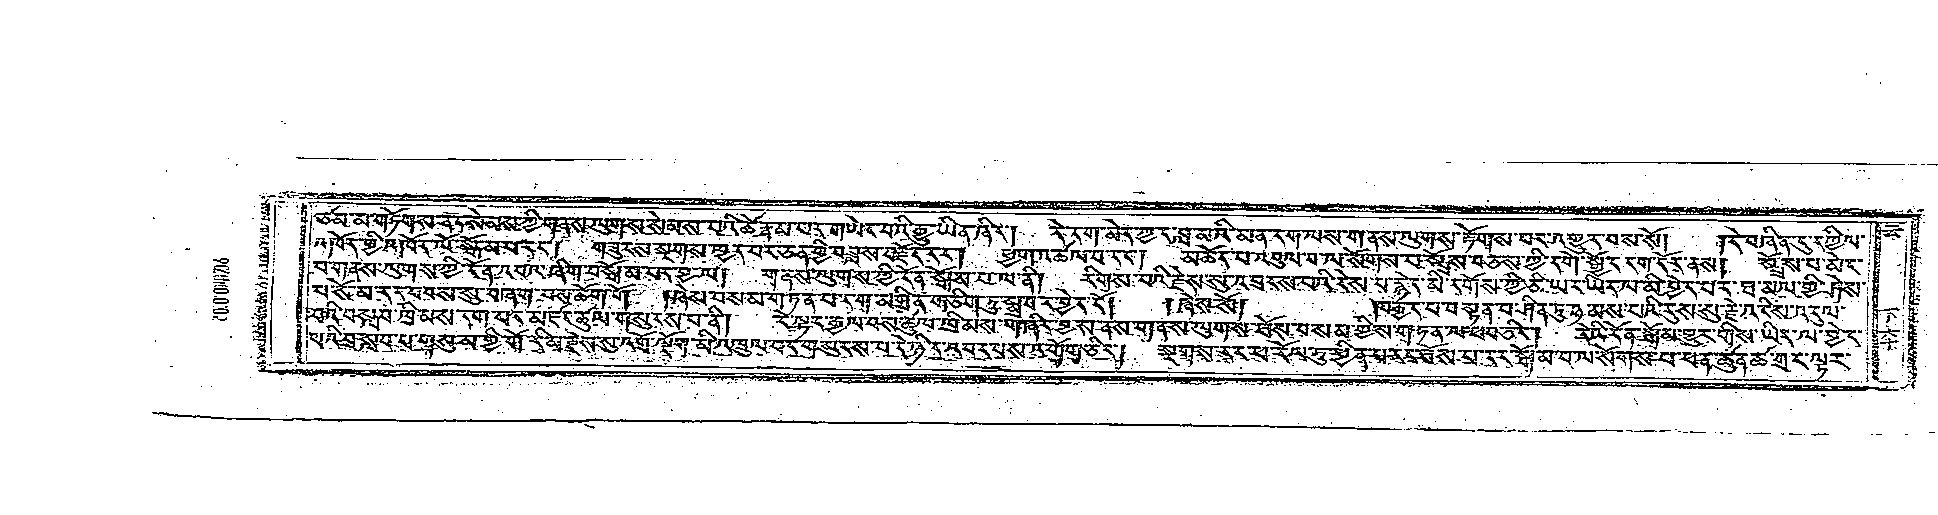ཙམ་མ་གཏགས་ནང་སེམས་ཀྱི་གནས་ལུགས་སེམས་པའི་ཚེ་རྣམ་པར་གཡེང་བའི་རྒྱུ་ཡིན་ཞིང་། དེ་དག་མེད་ཀྱང་བླ་མའི་མན་ངག་ལས་གནས་ལུགས་རྟོགས་པར་འགྱུར་བས་སོ། །དེ་བཞིན་དུ་དཀྱིལ་
འཁོར་གྱི་འཁོར་ལོ་སྒོམ་པ་དང་། གཟུངས་སྔགས་ཁྱད་པར་ཅན་གྱི་བཟླས་བརྗོད་དང་། ཕྱག་འཚལ་བ་དང་། མཆོད་པ་འབུལ་བ་ལ་སོགས་པ་སྤྲོས་བཅས་ཀྱི་དགེ་སྦྱོང་དག་དོར་ནས། སྤྲོས་པ་མེད་
པ་གནས་ལུགས་ཀྱི་དོན་འབའ་ཞིག་བསྒོམ་པར་བྱ་ལ། གནས་ལུགས་ཀྱི་དོན་སྒོམ་པ་ལ་ནི། རིགས་པའི་རྗེས་སུ་འབྲངས་པའི་དེས་པ་རྙེད་མི་དགོས་ཀྱི་ཅི་ཡང་ཡིད་ལ་མི་བྱེད་པར་ཐ་མལ་གྱི་ཤེས་
པ་སོ་མ་རང་བབས་སུ་བཞག་པས་ཆོ་གོ། །ཞེས་བསམ་གཏན་པ་དག་མགྲིན་གཅིག་ཏུ་སྨྲ་བར་བྱེད་དོ། །ཞེས་སོ། །བརྒྱད་པ་བསྟན་པ་ཤིན་ཏུ་ཉམས་པའི་དུས་སུ་རྗེ་འདིས་འདུལ་
བའི་བསླབ་ཁྲིམས་དག་པར་མཛད་ཚུལ་གསུངས་པ་ནི། དེ་ལྟར་རྒྱལ་བས་ཚུལ་ཁྲིམས་གཞིར་བྱས་ནས་གནས་ལུགས་ཐོས་བསམ་གྱིས་གཏན་ལ་ཕབ་ཅིང་། དེའི་དོན་སྒོམ་བྱུང་གིས་ཡིད་ལ་བྱེད་
པའི་བསླབ་པ་གསུམ་གྱི་གོ་རིམ་རྗེས་སུ་འགྲོ་ལྡོག་མི་འཁྲུལ་བར་གསུངས་པ་དེ་ཉིད་འབངས་པས་འགོག་ཅིང་། སྔགས་དང་ཕ་རོལ་ཏུ་ཕྱིན་པ་དང་ཐོས་པ་དང་སྒོམ་པ་ལ་སོགས་པ་ཕན་ཚུན་ཚ་གྲང་ལྟར་